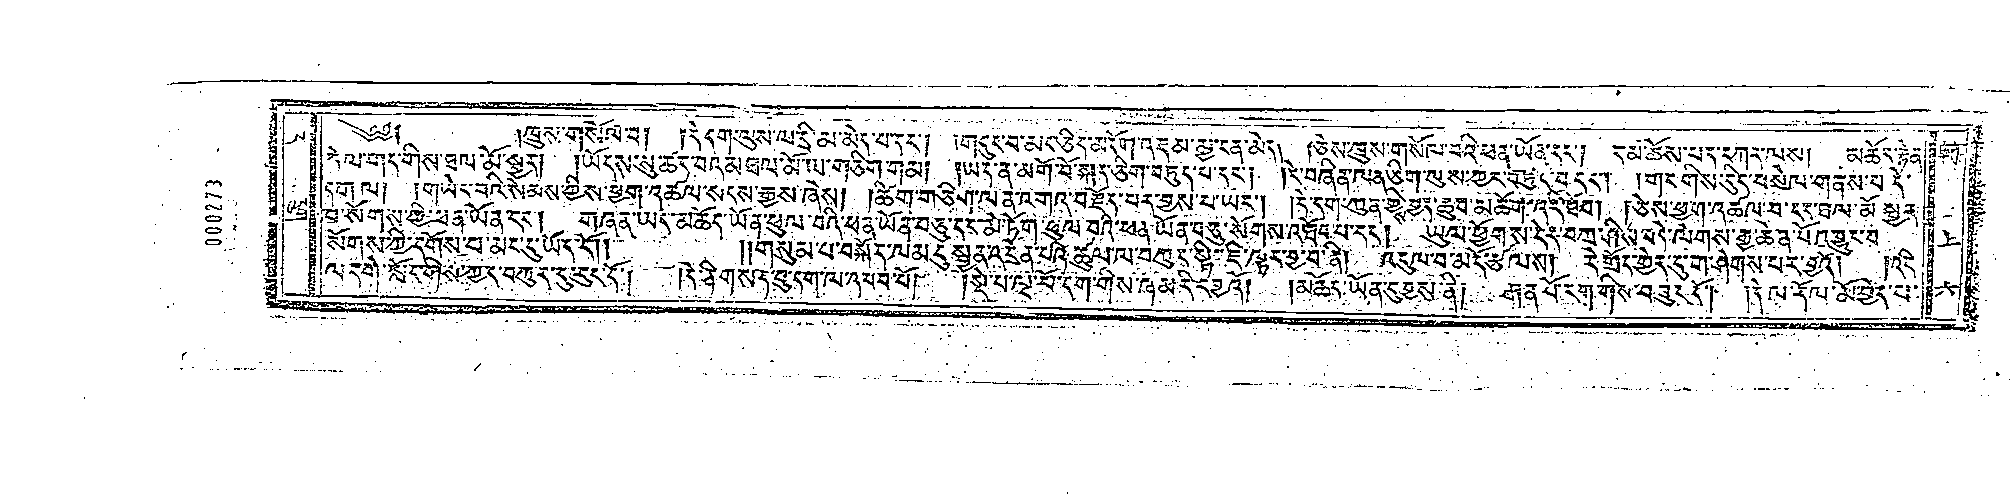༄༅། །ཁྲུས་གསོལ་བ། །དེ་དག་ལུས་ལ་དྲི་མ་མེད་པ་དང་། །གདུང་བ་མང་ཅིང་མདོག་འཇམ་མྱ་ངན་མེད། །ཅེས་ཁྲུས་གསོལ་བའི་ཕན་ཡོན་དང་། དམ་ཆོས་པར་དཀར་ལས། མཆོད་རྟེན་
དེ་ལ་གང་གིས་ཐལ་མོ་སྦྱར། །ཡོངས་སུ་ཚང་བའམ་ཐལ་མོ་ཡ་གཅིག་གམ། །ཡང་ན་མགོ་བོ་སྐད་ཅིག་བཏུད་པ་དང་། །དེ་བཞིན་ལན་ཅིག་ལུས་ཀྱང་བཏུང་པ་དང་། །གང་གིས་དུད་བསྲེལ་གནས་པ་དེ་
དག་ལ། །གཡེང་བའི་སེམས་ཀྱིས་ཕྱག་འཚལ་སངས་རྒྱས་ཞེས། །ཚིག་གཅིག་ལན་འགའ་བརྗོད་པར་བྱས་པ་ཡང་། །དེ་དག་ཀུན་གྱིས་བྱང་ཆུབ་མཆོག་འདི་ཐོབ། །ཅེས་ཕྱག་འཚལ་བ་དང་ཐལ་མོ་སྦྱར་
བ་སོགས་ཀྱི་ཕན་ཡོན་དང་། གཞན་ཡང་མཆོད་ཡོན་ཕུལ་བའི་ཕན་ཡོན་བཅུ་དང་མེ་ཏོག་ཕུལ་བའི་ཕན་ཡོན་བཅུ་སོགས་འཐོབ་པ་དང་། ཡུལ་ཕྱོགས་དེར་བཀྲ་ཤིས་བདེ་ལེགས་རྒྱ་ཆེན་པོ་འབྱུང་བ་
སོགས་ཀྱི་དགོས་བ་མང་དུ་ཡོད་དོ།། །།གསུམ་པ་བསྐོར་ལམ་དུ་སྦྱན་འདྲེན་པའི་ཚུལ་ལ་བཀུར་སྟི་ཇི་ལྟར་བྱ་བ་ནི། འདུལ་བ་མདོ་རྩ་ལས། དེ་གྲོང་ཁྱེར་དུ་གཤེགས་པར་བྱའོ། །འདི་
ལ་དགེ་སློང་གིས་ཀྱང་བཀུར་དུ་རུང་ངོ། །དེ་ནི་གསར་བུ་དག་ལ་འབབ་པོ། །སྡེ་པ་ལྔ་པོ་དག་གིས་ཞམ་རིང་བྱའོ། །མཆོད་ཡོན་དུ་བྱས་ནི། རྒན་པོ་ངག་གིས་བཟུང་དོ། །དེ་ལ་རོལ་མོ་བྱེད་པ་